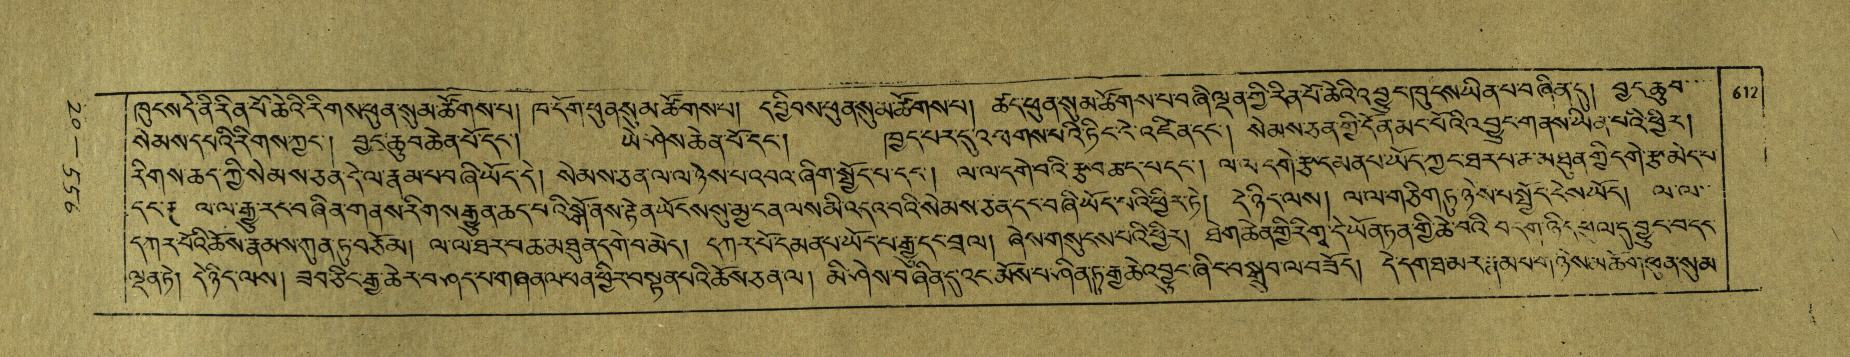ཁུངས་དེ་ནི་རིན་པོ་ཆེའི་རིགས་ཕུན་སུམ་ཚོགས་པ། ཁ་དོག་ཕུན་སུམ་ཚོགས་པ། དབྱིབས་ཕུན་སུམ་ཚོགས་པ། ཚད་ཕུན་སུམ་ཚོགས་པ་བཞི་ལྡན་གྱི་རིན་པོ་ཆེའི་འབྱུང་ཁུངས་ཡིན་པ་བཞིན་དུ། བྱང་ཆུབ་
སེམས་དཔའི་རིགས་ཀྱང་། བྱང་ཆུབ་ཆེན་པོ་དང་། ཡེ་ཤེས་ཆེན་པོ་དང་། ཁྱད་པར་དུ་འཕགས་པའི་ཏིང་ངེ་འཛིན་དང་། སེམས་ཅན་གྱི་དོན་མང་པོའི་འབྱུང་གནས་ཡིན་པའི་ཕྱིར།
རིགས་ཆད་ཀྱི་སེམས་ཅན་དེ་ལ་རྣམ་པ་བཞི་ཡོད་དེ། སེམས་ཅན་ལ་ལ་ཉེས་པ་འབའ་ཞིག་སྤྱོད་པ་དང་། ལ་ལ་དགེ་བའི་རྩ་བ་ཆད་པ་དང་། ལ་ལ་དགེ་རྩ་དམན་པ་ཡོད་ཀྱང་ཐར་པ་ཆ་མཐུན་གྱི་དགེ་རྩ་མེད་པ་
དང༑ ལ་ལ་རྒྱུ་རང་བཞིན་གནས་རིགས་རྒྱུན་ཆད་པའི་སྒོ་ནས་རྟེན་ཡོངས་སུ་མྱ་ངན་ལས་མི་འདའ་བའི་སེམས་ཅན་དང་བཞི་ཡོད་པའི་ཕྱིར་ཏེ། དེ་ཉིད་ལས། ལ་ལ་གཅིག་ཏུ་ཉེས་པ་སྤྱོད་ངེས་ཡོད། ལ་ལ་
དཀར་པོའི་ཆོས་རྣམས་ཀུན་ཏུ་བཅོམ། ལ་ལ་ཐར་པ་ཆ་མཐུན་དགེ་བ་མེད། དཀར་པོ་དམན་པ་ཡོད་པ་རྒྱུ་དང་བྲལ། ཞེས་གསུངས་པའི་ཕྱིར། ཐེག་ཆེན་གྱི་རིགས་དེ་ཡོན་ཏན་གྱི་ཆེ་བའི་བདག་ཉིད་ཕུལ་དུ་བྱུང་བ་དང་
ལྡན་ཏེ། དེ་ཉིད་ལས། ཟབ་ཅིང་རྒྱ་ཆེར་བཤད་པ་གཞན་ལ་ཕན་ཕྱིར་བསྟན་པའི་ཆོས་ཅན་ལ། མི་ཤེས་བཞིན་དུ་འང་མོས་པ་ཤིན་ཏུ་རྒྱ་ཆེ་འབྱུང་ཞིང་བསྒྲུབ་ལ་བཟོད། དེ་དག་ཐ་མར་རྣམ་པ་གཉིས་མཆོག་ཕུན་སུམ་